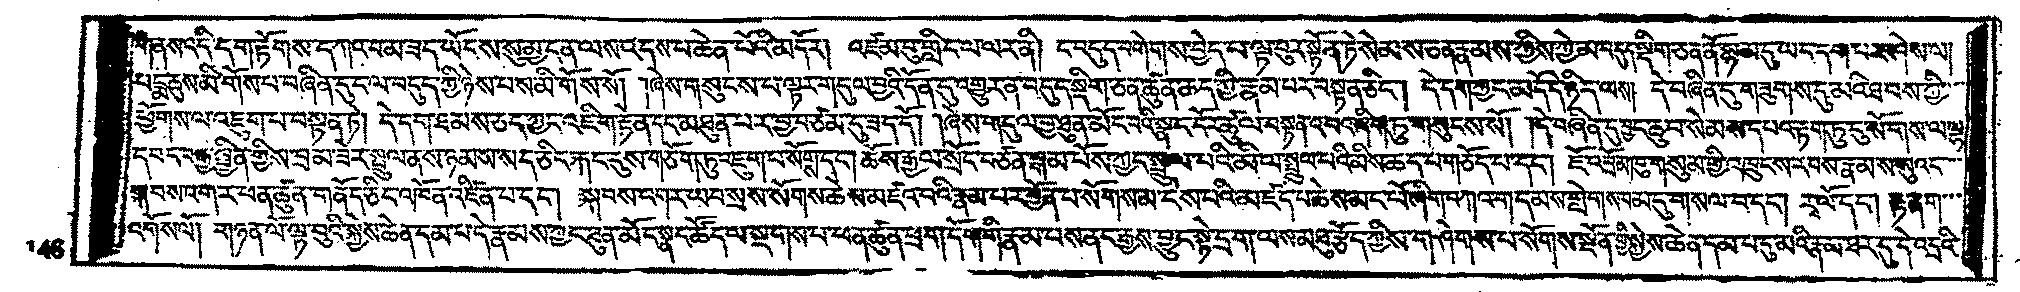གནས་འདི་དག་རྟོགས་དཀའ་བ་མ་ཟད་ཡོངས་སུ་མྱ་ངན་ལས་འདས་པ་ཆེན་པོའི་མདོར། འཛམ་བུ་གླིང་ལ་ལར་ནི། ང་བདུད་བགེགས་བྱེད་པ་ལྟ་བུར་སྟོན་ཏེ་སེམས་ཅན་རྣམས་ཀྱིས་ཀྱེ་མ་བདུད་སྡིག་ཅན་ནོ་སྙམ་དུ་ཡང་དག་པར་ཤེས་ལ།
པདམ་ཆུས་མི་གོས་པ་བཞིན་དུ་ང་ལ་བདུད་ཀྱི་ཉེས་པས་མི་གོས་སོ། །ཞེས་གསུངས་པ་ལྟར་གདུལ་བྱའི་དོན་དུ་འགྱུར་ན་བདུད་སྡིག་ཅན་ཚུན་ཆད་ཀྱི་རྣམ་པར་བསྟན་ཅིང་། དེ་དག་ཀྱང་མདོ་དེ་ཉིད་ལས། དེ་བཞིན་དུ་གཟུགས་དུ་མའི་ཐབས་ཀྱི་
ཕྱོགས་ལ་འཇུག་པ་བསྟན་ཏེ། དེ་དག་ཐམས་ཅད་ཀྱང་འཇིག་རྟེན་དང་མཐུན་པར་བྱ་བ་ཙམ་དུ་ཟད་དོ། །ཞེས་གདུལ་བྱ་ཐུན་མོང་བའི་སྣང་ངོར་ཚུལ་བསྟན་འབའ་ཞིག་ཏུ་གསུངས་སོ། །དེ་བཞིན་དུ་བྱང་ཆུབ་སེམས་དཔའ་རྟག་ཏུ་ངུ་སོགས་ལ་ལྷ་
དབང་བརྒྱ་སྦྱིན་གྱིས་བྲམ་ཟེར་སྤྲུལ་ནས་ཉམས་སད་ཅིང་རྐང་རུས་གཅོག་ཏུ་འཇུག་པ་སོགས་དང་། ཆོས་རྒྱལ་སྲོང་བཙན་སྒམ་པོས་ཀྱང་སྤྲུལ་པའི་མི་ལ་སྤྲུལ་པའི་མིས་ཆད་པ་གཅོད་པ་དང་། ཇོ་འབྲོམ་ཁུ་གསུམ་གྱི་འཁྲུང་རབས་རྣམས་སུའང་
སྐབས་འགར་ཕན་ཚུན་གནོད་ཅིང་འཁོན་འཛིན་པ་དང་། སྐབས་འགར་ཡབ་སྲས་སོགས་ཆེས་མཛའ་བའི་རྣམ་པར་བྱོན་པ་སོགས་མ་ངེས་པའི་མཛད་པ་ཆེས་མང་པོ་ཞིག་བཀའ་གདམས་གླེགས་བམ་དུ་གསལ་བ་དང་། རྭ་ལོ་དང་། རྟ་ནག་
འགོས་ལོ། གཉན་ལོ་ལྟ་བུའི་སྐྱེས་ཆེན་དམ་པ་དེ་རྣམས་ཀྱང་ཐུན་མོང་སྣང་ཚོད་ལ་སྔགས་པ་ཕན་ཚུན་ཕྲག་དོག་གི་རྣམ་པས་ནང་རྒྱས་བྱུང་སྟེ་དྲག་ལས་མཐུ་རྩོད་ཀྱིས་གཤེགས་པ་སོགས་སྔོན་གྱི་སྐྱེས་ཆེན་དམ་པ་དུ་མའི་རྣམ་ཐར་དུ་དེ་འདྲའི་